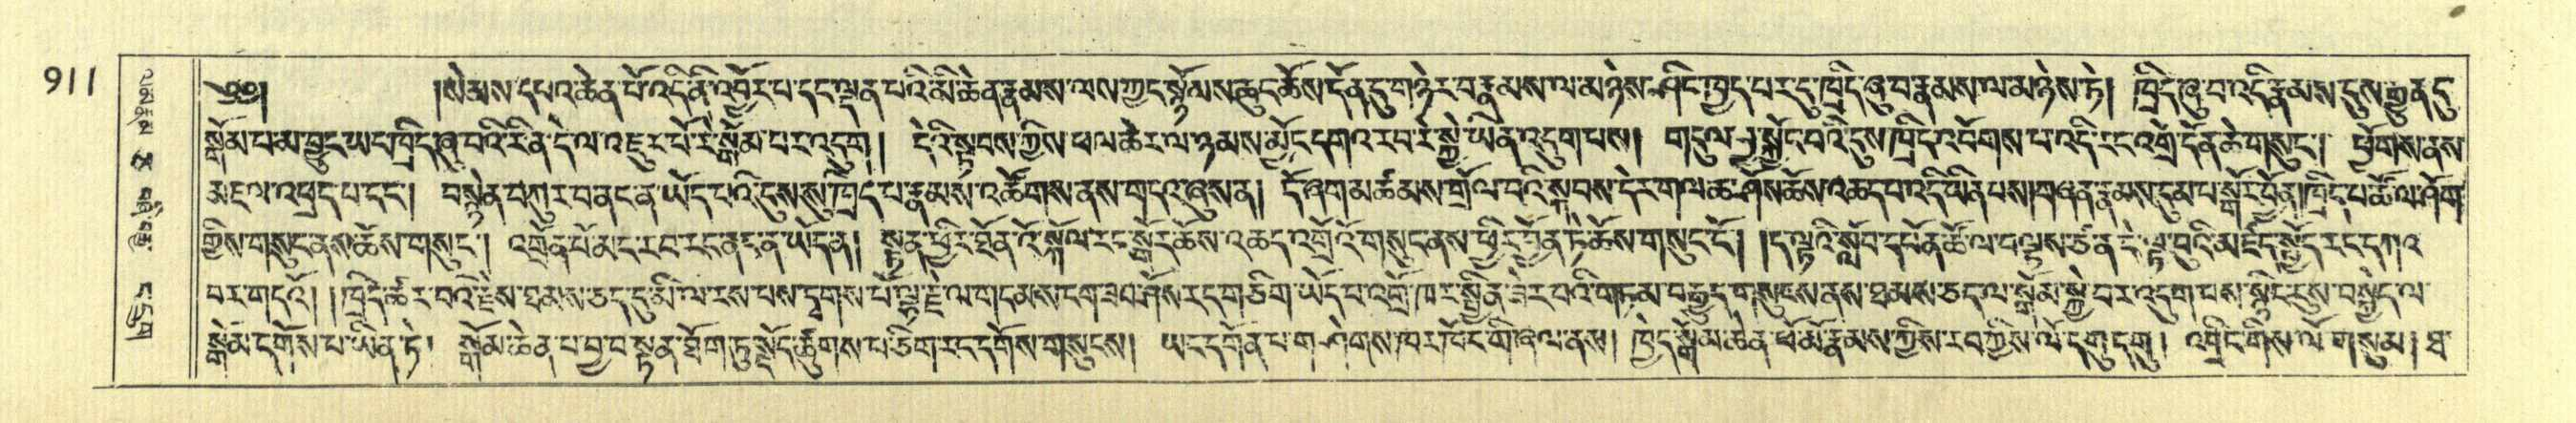༄༅། །སེམས་དཔའ་ཆེན་པོ་འདི་ནི་འབྱོར་པ་དང་ལྡན་པའི་མི་ཆེན་རྣམས་ལས་ཀྱང་སྙོམས་ཆང་ཆོས་དོན་དུ་གཉེར་བ་རྣམས་ལ་མཉེས་ཤིང་ཁྱད་པར་དུ་ཁྲི་ཞུ་བ་རྣམས་ལ་མཉེས་ཏེ། ཁྲིད་ཞུ་བ་འདི་རྣམས་དུས་རྒྱུན་དུ་
སྒོམ་པ་མ་བྱུང་ཡང་ཁྲིད་ཞུ་བའི་རིན་དེ་ལ་འཇུར་པོ་རེ་སྒོམ་པར་འདུག། དེའི་སྟབས་ཀྱིས་ཕལ་ཆེར་ལ་ཉམས་མྱོང་དགའ་རབ་རེ་སྐྱེ་ཡིན་འདུག་པས། གདུལ་བྱ་སྐྱོང་བའི་དུས་ཁྲིད་འབོགས་པ་འདི་རང་འགྲོ་དོན་ཆེ་གསུང་། ཕྱོགས་ནས་
མཇལ་འཕྲད་པ་དང་། བསྙེན་བཀུར་བ་ནང་ན་ཡོད་པའི་དུས་སུ་ཁྲིད་པ་རྣམས་འཚོགས་ནས་གདའ་ཞུས་ན། དོ་ཞག་མཚམས་གྲོལ་བའི་སྐབས་དེར་གལ་ཆ་ཤོས་ཆོས་འཆད་པ་འདི་ཡིན་པས། གཞན་རྣམས་དུམ་པ་སྒོར་བྱོན། ཁྲིད་པ་ཚོ་ལ་ཤོག་
གྱིས་གསུང་ནས་ཆོས་གསུང་། འགྲོན་པོ་མང་རབ་རང་ནང་ན་ཡོད་ན། སྟན་ཕྱིར་ཐོན་འོ་སྐོལ་རང་སྒོར་ཆོས་འཆད་འགྲོའོ་གསུང་ནས་ཕྱིར་བྱོན་ཏེ་ཆོས་གསུང་ངོ། །ད་ལྟའི་སློབ་དཔོན་ཚོ་ལ་བལྟས་ཙ་ན་དེ་ལྟ་བུའི་མཛད་སྤྱོད་རང་དཀའ་
བར་གདའོ། །ཁྲིད་ཚར་བའི་རྗེས་ཐམས་ཅད་དུ་མི་ལ་རས་པས་དྭགས་པོ་ལྷ་རྗེ་ལ་གདམས་ངག་ཟབ་ཤོས་རང་གཅིག་ཡོད་པ་འགྲོ་ཁར་སྤྱིན་ཟེར་བའི་གཏམ་བརྒྱུད་གསུངས་ནས་ཐམས་ཅད་ལ་སྒོམ་སྐྱེ་བར་འདུག་པས་སྙིང་དུས་བསྐྱེད་ལ་
སྒོམ་དགོས་པ་ཡིན་ཏེ། སྒོམ་ཆེན་པ་བྱ་བསྟན་ཐོག་ཏུ་སྡོང་ཚུགས་པ་ཅིག་རང་དགོས་གསུངས། ཡང་དགོན་པ་གཤེགས་ཁར་ཁོང་གི་ཞལ་ནས། ཁྱེད་སྒོམ་ཆེན་ཕོ་མོ་རྣམས་ཀྱིས་རབ་ཀྱིས་ལོ་དགུ་དགུ། འབྲིང་གིས་ལོ་གསུམ། ཐ་